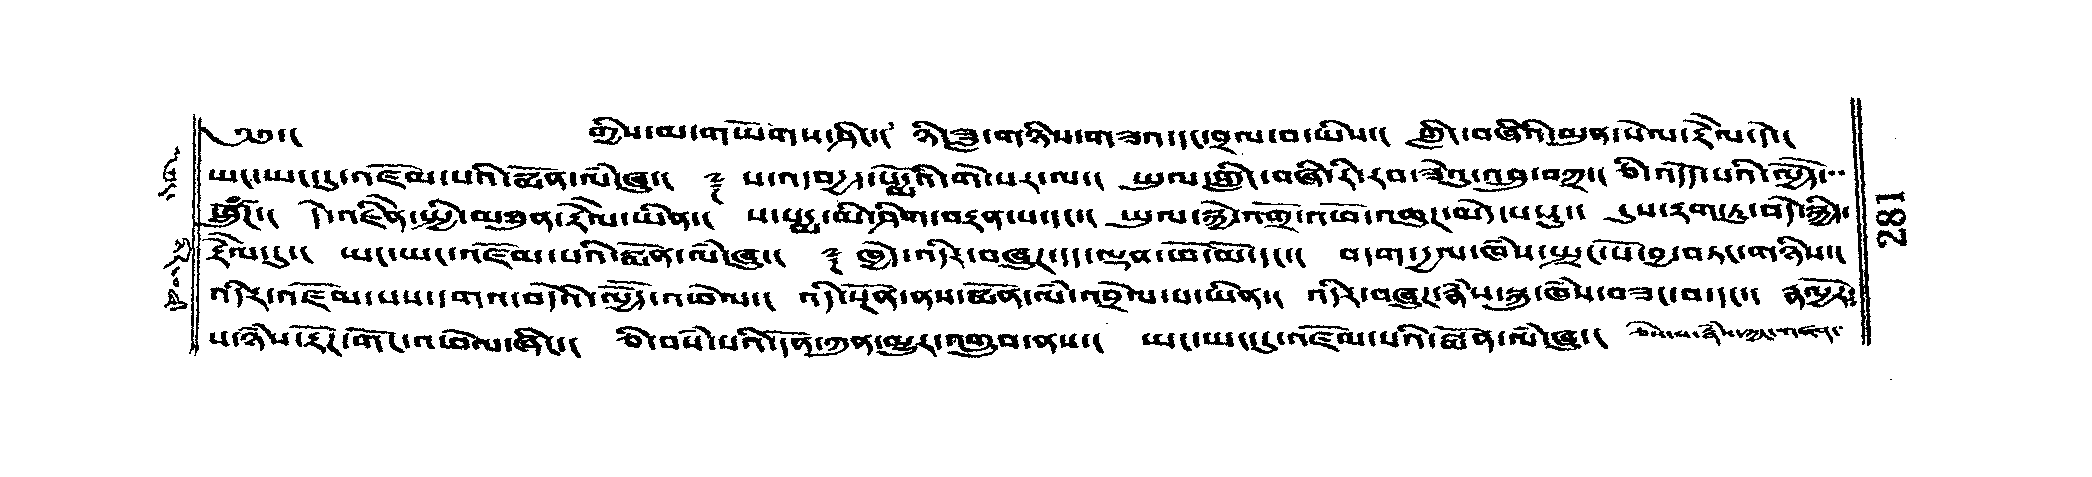གྱིས་མ་གཡོགས་ཤིང་། །ཉི་ཟླ་གཉིས་གཟའ་དང་བྲལ་བ་ཡིས། །གླིང་བཞིའི་མུན་སེལ་རྟེན་འབྲེལ་དེ། །
ཡང་ཡང་དུ་འཛོམ་པའི་སྨོན་ལམ་ཞུ།། ༈ ས་འདབ་བརྒྱད་པདྨོའི་གེ་སར་ལ། །ཡུལ་གླིང་བཞི་རི་རབ་ཟེའུ་འབྲུ་བཀྲ། །ཅི་འདོད་པའི་ལོངས་སྤྱོད་
ཕུན་སུམ་ཚོགས། །དེ་འཇིག་རྟེན་སྤྱི་མཐུན་རྟེན་འབྲེལ་ཡིན། །ས་པདྨ་མི་ཤིགས་བརྟན་པ་དང་། །ཡུལ་སྐྱེ་འགྲོ་འཕོ་འཆུགས་མེད་པ་རུ། །དུས་རྟག་ཏུ་བདེ་སྐྱིད་
རྟེན་འབྲེལ་དུ། །ཡང་ཡང་འཛོམ་པའི་སྨོན་ལམ་ཞུ།། ༈ ཁྱེད་འདིར་བཞུགས་དད་ལྡན་ཕོ་མོ་དང་། །བདག་རྒྱལ་ཁམས་སྤྲང་པོ་བྱ་བཏང་གཉིས། །
འདིར་འཛོམ་པས་དགའ་བདེའི་ལོངས་སྤྱོད་འཕེལ། །འདི་སྔོན་ནས་སྨོན་ལམ་འབྲེལ་པ་ཡིན། །འདིར་བཞུགས་རྣམས་སྐུ་ཁམས་བཟང་བ་དང་། །རྣལ་འབྱོར་
པ་ཉམས་རྟོགས་གོང་འཕེལ་ཞིང་། །ཅི་བསམ་པའི་དོན་ཀུན་མྱུར་འགྲུབ་ནས། །ཡང་ཡང་དུ་འཛོམ་པའི་སྨོན་ལམ་ཞུ།། ཞེས་པ་རྣམས་ཀྱང་གཞན་